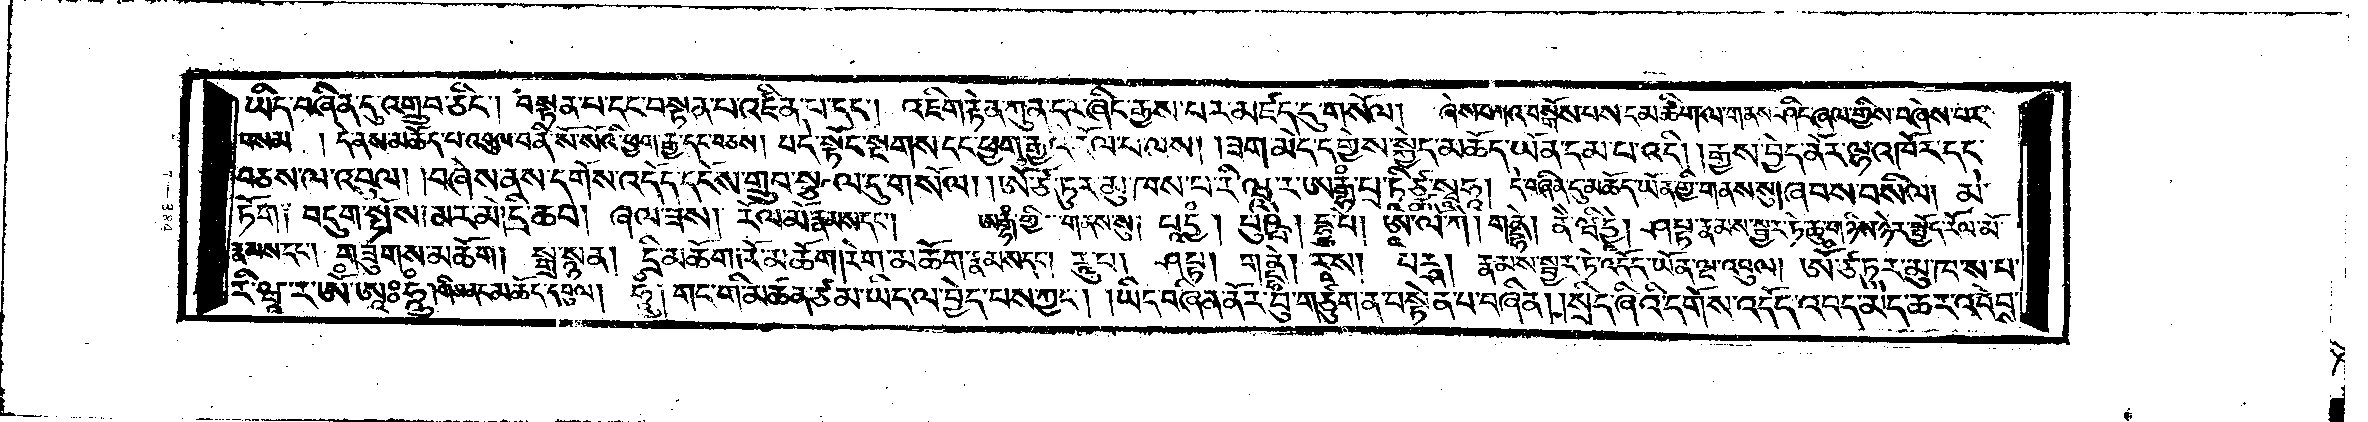ཡིད་བཞིན་དུ་འགྲུབ་ཅིང་། བསྟན་པ་དང་བསྟན་པ་འཛིན་པ་དང་། འཇིག་རྟེན་ཀུན་དར་ཞིང་རྒྱས་པར་མཛད་དུ་གསོལ། ཞེས་བཀའ་བསྒོས་པས་དམ་ཚིག་ལ་གནས་ཤིང་ཞལ་གྱིས་བཞེས་པར་
བསམ། དེ་ནས་མཆོད་པ་འབུལ་བ་ནི་སོ་སོའི་ཕྱག་རྒྱ་དང་བཅས། བདེ་སྟོང་སྔགས་དང་ཕྱག་རྒྱའི་རོལ་པ་ལས། །ཟག་མེད་དགྱེས་སྐྱེད་མཆོག་ཡོན་དམ་པ་འདི། །རྒྱས་བྱེད་ནོར་ལྷ་འཁོར་དང་
བཅས་ལ་འབུལ། །བཞེས་ནས་དགོས་འདོད་དངོས་གྲུབ་སྩལ་དུ་གསོལ། །ཨོཾ་ཙ་ཏུར་མུ་ཁས་པ་རི་ཝཱ་ར་ཨརྒྷཾ་པྲ་ཏཱི་ཙྪ་སྭཱཧཱ། དེ་བཞིན་དུ་མཆོད་ཡོན་གྱི་གནས་སུ།  ཞབས་བསིལ། མེ་
ཏོག༑ བདུག་སྤོས། མར་མེ། དྲི་ཆབ། ཞལ་ཟས། རོལ་མོ་རྣམས་དང་། ཨརྒྷཾ་གྱི་གནས་སུ། པཱདྱཾ། པུཥྤེ། དྷཱུ་པ། ཨཱ་ལོ་ཀེ། གནྡྷེ། ནཻ་ཝི་དཡE། ཤཔྟ་རྣམས་སྦྱར་ཏེ་ཆུ་གཉིས་ཉེར་སྤྱོད་རོལ་མོ་
རྣམས་དང་། གཟུགས་མཆོག། སྒྲ་སྙན། དྲི་མཆོག །རོ་མཆོག །རེག་མཆོག་རྣམས་དང་། རཱུ་པ། ཤཔྟ། གནྡྷེ། རཱས། པརྴ། རྣམས་སྦྱར་ཏེ་འདོད་ཡོན་ལྔ་འབུལ། ཨོཾ་ཙ་ཏུར་མུ་ཁ་ས་པ་
རི་ཝཱ་ར་ཨོཾ་ཨཱཿཧཱུཾ། གིས་ནང་མཆོད་དབུལ། ཧཱུཾ། གང་གི་མཚན་ཙམ་ཡིད་ལ་བྱེད་པས་ཀྱང་། །ཡིད་བཞིན་ནོར་བུ་གཙུག་ན་བསྟེན་པ་བཞིན། །སྲིད་ཞིའི་དགོས་འདོད་འབད་མེད་ཆར་འབེབས་